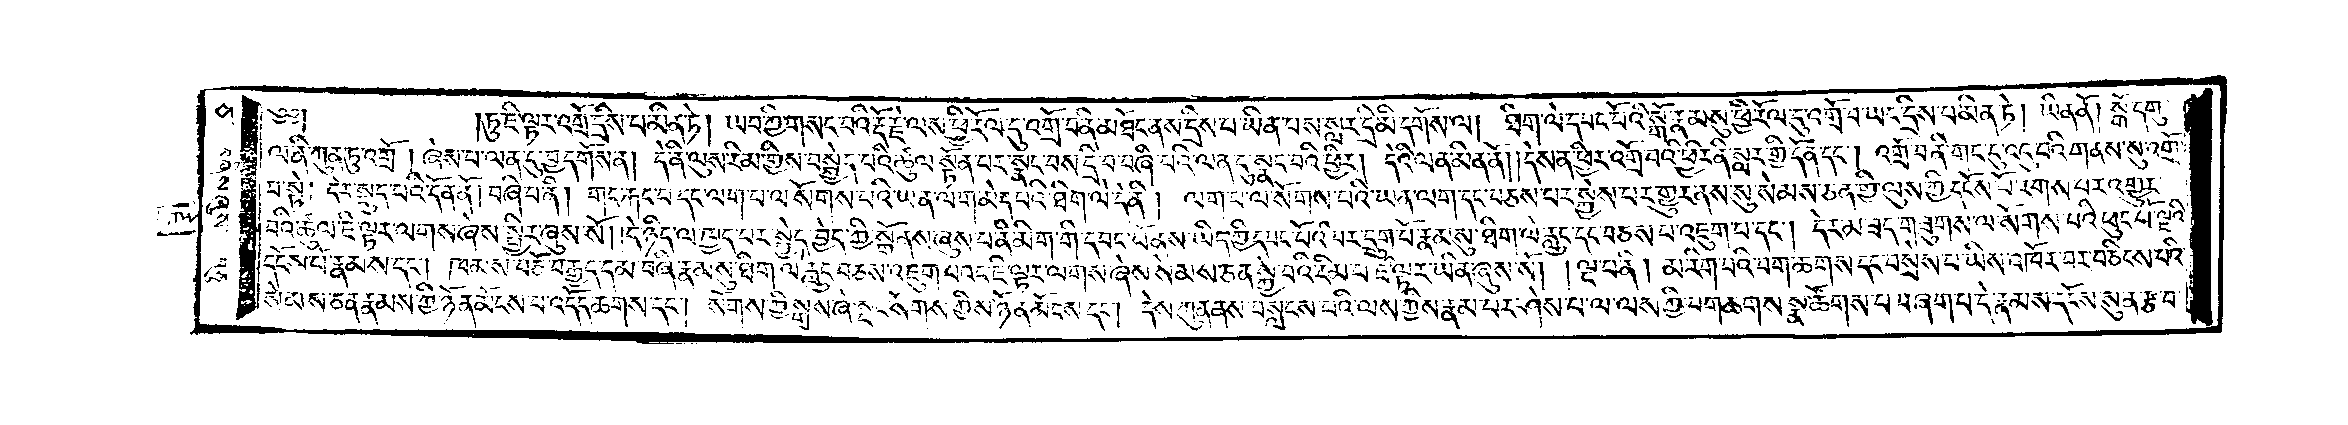༄༅། །ཏུ་ཇི་ལྟར་འགྲོ་དྲིས་པ་མིན་ཏེ། ཡབ་ཀྱི་གསང་བའི་རྡོ་རྗེ་ལས་ཕྱི་རོལ་དུ་འགྲོ་བ་ནི་མཐོང་ནས་དྲིས་པ་ཡིན་པས་སླར་དྲི་མི་དགོས་ལ། ཐིག་ལེ་དབང་པོའི་སྒོ་རྣམས་སུ་ཕྱི་རོལ་དུ་འགྲོ་བ་ཡང་དྲིས་པ་མིན་ཏེ། ཡིན་ན། སྒོ་དགུ་
ལ་ནི་ཀུན་ཏུ་འགྲོ། ཞེས་པ་ལན་དུ་བྱ་དགོས་ན། དེ་ནི་ལུས་རིམ་གྱིས་བསྐྱེད་པའི་ཚུལ་སྟོན་པར་སྣང་བས་དྲི་བ་བཞི་པའི་ལན་དུ་སྣང་བའི་ཕྱིར། དེའི་ལན་མིན་ནོ། །དེས་ན་ཕྱིར་འགྲོ་བའི་ཕྱིར་ནི་སླར་གྱི་དོན་དང་། འགྲོ་བ་ནི་གང་དུ་འདུ་བའི་གནས་སུ་འགྲོ་
བ་སྟེ། དེར་སྡུད་པའི་དོན་ནོ། །བཞི་པ་ནི། གང་རྐང་པ་དང་ལག་པ་ལ་སོགས་པའི་ཡན་ལག་མེད་པའི་ཐིག་ལེ་དེ་ནི། ལག་པ་ལ་སོགས་པའི་ཡན་ལག་དང་བཅས་པར་སྐྱེས་པར་གྱུར་ནས་སུ་སེམས་ཅན་གྱི་ལུས་ཀྱི་དངོས་པོ་རགས་པར་འགྱུར་
བའི་ཚུལ་ཇི་ལྟར་ལགས་ཞེས་སྤྱིར་ཞུས་སོ། །དེ་ཉིད་ལ་ཁྱད་པར་སྐྱེད་བྱེད་ཀྱི་སྒོ་ནས་ཞུས་པ་ནི་མིག་གི་དབང་པོ་ནས་ཡིད་ཀྱི་དབང་པོའི་བར་དྲུག་པོ་རྣམས་སུ་ཐིག་ལེ་རླུང་དང་བཅས་པ་འཇུག་པ་དང་། དེར་མ་ཟད་གཟུགས་ལ་སོགས་པའི་ཕུང་པོ་ལྔའི་
དངོས་པོ་རྣམས་དང་། ཁམས་བཅོ་བརྒྱད་དམ་བཞི་རྣམས་སུ་ཐིག་ལེ་རླུང་བཅས་འཇུག་པའང་ཇི་ལྟར་ལགས་ཞེས་སེམས་ཅན་སྐྱེ་བའི་རིམ་པ་ཇི་ལྟར་ཡིན་ཞུས་སོ། །ལྔ་པ་ནི། མ་རིག་པའི་བག་ཆགས་དང་བསྲེས་པ་ཡིས་འཁོར་བར་བཅིངས་པའི་
སེམས་ཅན་རྣམས་ཀྱི་ཉོན་མོངས་པ་འདོད་ཆགས་དང་། སོགས་ཀྱི་སྒྲས་ཞེ་སྡང་སོགས་ཀྱིས་ཉོན་མོངས་དང་། དེས་ཀུན་ནས་བསླངས་པའི་ལས་ཀྱིས་རྣམ་པར་ཤེས་པ་ལ་ལས་ཀྱི་བག་ཆགས་སྣ་ཚོགས་པ་བཞག་པ་དེ་རྣམས་དངོས་སུ་ན་རྩ་བ་